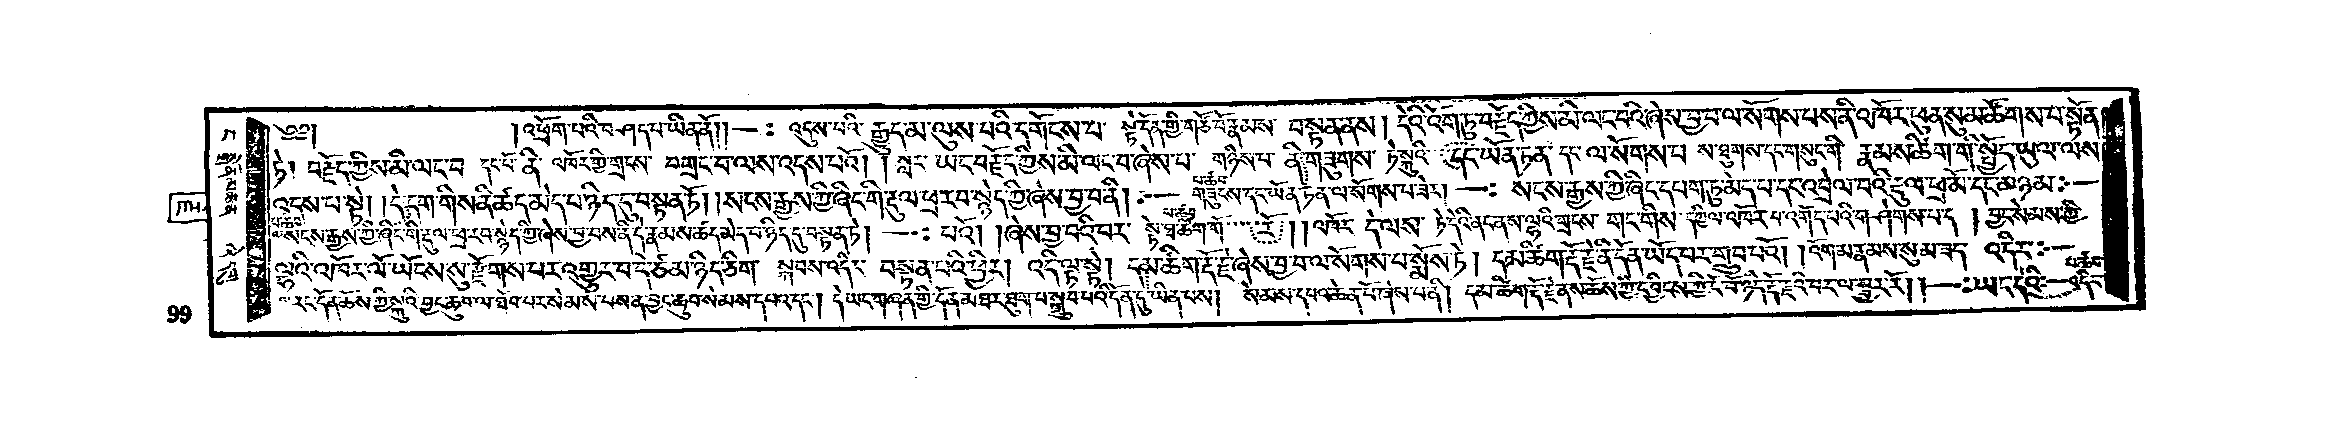༄༅། །འཕྲོག་པའི་བཤད་པ་ཡིན་ནོ།། .H འདུས་པའི་རྒྱུད་མ་ལུས་པའི་དགོངས་པ་སྟེ་དོན་གྱི་གཙོ་བོ་རྣམས་བསྟན་ནས། དེའི་འོག་ཏུ་བརྗོད་ཀྱིས་མི་ལང་བའི་ཞེས་བྱ་བ་ལ་སོགས་པས་ནི་འཁོར་ཕུན་སུམ་ཚོགས་པ་སྟོན་
ཏེ། བརྗོད་ཀྱིས་མི་ལང་བ་དང་པོ་ནི་འཁོར་གྱི་གྲངས་བགྲང་བ་ལས་འདས་པའོ། །སླར་ཡང་བརྗོད་ཀྱིས་མི་ལང་བ་ཞེས་པ། ཉིས་པ་ནི། གཟུགས་ཏེ་སྐུའི་དང་ཡོན་ཏན་དང་ལ་སོགས་པས་ཐུགས་དང་གསུང་གི་རྣམས་ཚིག་གི་སྤྱོད་ཡུལ་ལས་
འདས་པ་སྟེ། །དེ་དག་གིས་ནི་ཚད་མེད་པ་ཉིད་དུ་བསྟན་ཏོ། །སངས་རྒྱས་ཀྱི་ཞིང་གི་རྡུལ་ཕྲ་རབ་སྙེད་ཀྱི་ཞེས་བྱ་བ་ནི། H.་གཟུངས་དང་ཡོན་ཏན་ལ་སོགས་པ་ཟེར། H.་སངས་རྒྱས་ཀྱི་ཞིང་དཔག་ཏུ་མེད་པ་དང་འབྲེལ་བའི་རྡུལ་ཕྲ་མོ་དང་མཉམ་H.
པ་ཚབ་༧སངས་རྒྱས་ཀྱི་ཞིང་གི་རྡུལ་ཕྲ་རབ་སྙེད་ཀྱི་ཞེས་བྱ་བས་ནི་དེ་རྣམས་ཚད་མེད་པ་ཉིད་དུ་བསྟན་ཏེ། H.་པའོ། །ཞེས་བྱ་བའི་བར་སྟེ་ཐ་ཚིག་གོ་རོ། །འཁོར་དེ་ལས་ཏེ་དེའི་ནང་ནས་ལྷའི་གྲངས་གང་གིས་དཀྱིལ་འཁོར་ལ་འགོད་པའི་གཤེགས་པ་དང་། བྱང་སེམས་ཀྱི་
ལྷའི་འཁོར་ལོ་ཡོངས་སུ་རྫོགས་པར་འགྱུར་བ་དེ་ཙམ་ཉིད་ཅིག་སྐབས་འདིར་བསྟན་པའི་ཕྱིར། འདི་ལྟ་སྟེ། དམ་ཚིག་རྡོ་རྗེ་ཞེས་བྱ་བ་ལ་སོགས་པ་སྨོས་ཏེ། དམ་ཚིག་རྡོ་རྗེ་ནི་དོན་ཡོད་པར་གྲུབ་པའོ། །འོག་མ་རྣམས་སུ་མ་ཟད་འདིར་H.
༧རང་དོན་ཆོས་ཀྱི་སྐུའི་བྱང་ཆུབ་ལ་ཐོབ་པར་སེམས་པས་ན་བྱང་ཆུབ་སེམས་དཔའ་དང་། དེ་ཡང་གཞན་གྱི་དོན་མཐར་ཐུག་པ་སྒྲུབ་པའི་དོན་དུ་ཡིན་པས། སེམས་དཔའ་ཆེན་པོ་ཞེས་པ་ནི། དམ་ཚིག་རྡོ་རྗེ་ནས་ཆོས་ཀྱི་དབྱིངས་ཀྱི་ངོ་བོ་ཉིད་རྡོ་རྗེའི་བར་ལ་སྦྱར་རོ།། H.་ཡང་དེའི་H.་འདིར་